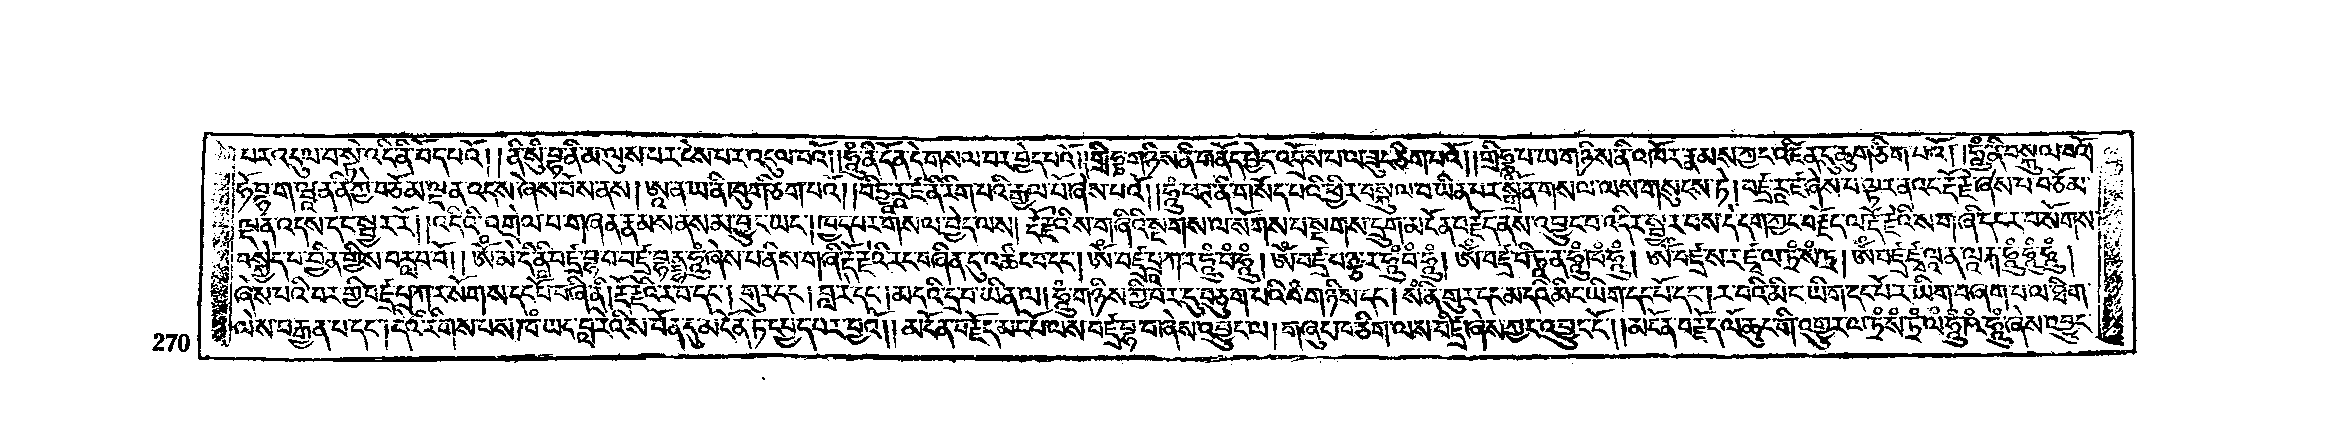པར་འདུལ་བ་སྟེ་འདི་ནི་བོད་པའོ། །ནི་སུཾ་བྷ་ནི་མ་ལུས་པར་ངེས་པར་འདུལ་བའོ། །ཧཱུཾ་ནི་དོན་དེ་གསལ་བར་བྱེད་པའོ། །གྲིཧྞ་གཉིས་ནི་གནོད་བྱེད་འབྲོས་པ་ལ་ཟུང་ཅིག་པའོ། །གྲིཧྞཱ་པ་ཡ་གཉིས་ནི་འཁོར་རྣམས་ཀྱང་འཛིན་དུ་ཆུ་གཅིག་པའོ། །ཧཱུཾ་ནི་བསྐུལ་བའོ། །
ཧོ་བྷ་ག་ཝཱན་ནི་ཀྱེ་བཅོམ་ལྡན་འདས་ཞེས་བོས་ནས། ཨཱ་ན་ཡ་ནི་ཁུག་ཅིག་པའོ། །བིདྱཱ་རཱ་ཛ་ནི་རིག་པའི་རྒྱལ་པོ་ཞེས་པའོ། །ཧཱུཾ་ཕཊ་ནི་གསོད་པའི་ཕྱིར་བསྐུལ་བ་ཡིན་པར་སྒྲོན་གསལ་ལས་གསུངས་ཏེ། བཛྲ་རཱ་ཛ་ཞེས་པ་ལྟར་ནའང་རྡོ་རྗེ་ཞེས་པ་བཅོམ་
ལྡན་འདས་དང་སྦྱར་རོ། །འདིའི་འགྲེལ་པ་གཞན་རྣམས་ནས་མ་བྱུང་ཡང་། ཁྱད་པར་གསལ་བྱེད་ལས། རྡོ་རྗེའི་ས་གཞིའི་སྔགས་ལ་སོགས་པ་སྔགས་དྲུག་མངོན་བརྗོད་ནས་འབྱུང་བ་འདིར་སྦྱར་བས་དེ་དག་ཀྱང་བརྗོད་ལ་རྡོ་རྗེའི་ས་གཞི་དང་ར་བ་སོགས་
བསྐྱེད་པ་བྱིན་གྱིས་བརླབ་བོ། །ཨོཾ་མེ་དེ་ནཱི་བཛྲ་བྷ་བ་བཛྲ་བྷནྡྡྷ་ཧཱུཾ་ཞེས་པ་ནི་ས་གཞི་རྡོ་རྗེའི་རང་བཞིན་དུ་འཆིང་བ་དང་། ཨོཾ་བཛྲ་པྲཱ་ཀ་ར་ཧཱུཾ་བཾ་ཧཱུཾ། ཨོཾ་བཛྲ་པཉྩ་ར་ཧཱུཾ་བཾ་ཧཱུཾ། ཨོཾ་བཛྲ་བི་ཏཱ་ན་ཧཱུཾ་ཁཾ་ཧཱུཾ། ཨོཾ་བཛྲ་ས་ར་ཛྭ་ལ་ཏྲཾ་སཾ་ཏྲཾ། ཨོཾ་བཛྲ་ཛྭ་ལཱ་ན་ལཱརྐ་ཧཱུཾ་ཧཱུཾ་ཧཱུཾ།
ཞེས་པའི་བར་གྱི་བཛྲ་པྲ་ཀ་ར་སོགས་དང་པོ་བཞི་ནི། རྡོ་རྗེའི་ར་བ་དང་། གུར་དང་། བླ་རེ་དང་། མདའི་དྲ་བ་ཡིན་ལ། ཧཱུཾ་གཉིས་ཀྱི་བར་དུ་བཅུག་པའི་པཾ་གཉིས་དང་། སཾ་ནི་གུར་དང་མདའི་མིང་ཡིག་དང་པོ་དང་། ར་བའི་མིང་ཡིག་དང་པོ་ར་ཡིག་བཞག་པ་ལ་ཐིག་
ལེས་བརྒྱན་པ་དང་། དེའི་རིགས་པས་ཁཾ་ཡང་བླ་རེའི་ས་བོན་དུ་མངོན་ཏེ་དཔྱད་པར་བྱའོ། །མངོན་བརྗོད་མང་པོ་ལས་བཛྲ་བྷ་བ་ཞེས་འབྱུང་ལ། གཞུང་ཁ་ཅིག་ལས་བཛྲི་ཞེས་ཀྱང་འབྱུང་ངོ། །མངོན་བརྗོད་ལོ་ཆུང་གི་འགྱུར་ལ་ཏྲཾ་སཾ་ཏྲཾ་ལཾ་ཧཱུཾ་ཥཾ་ཧཱུཾ་ཞེས་འབྱུང་